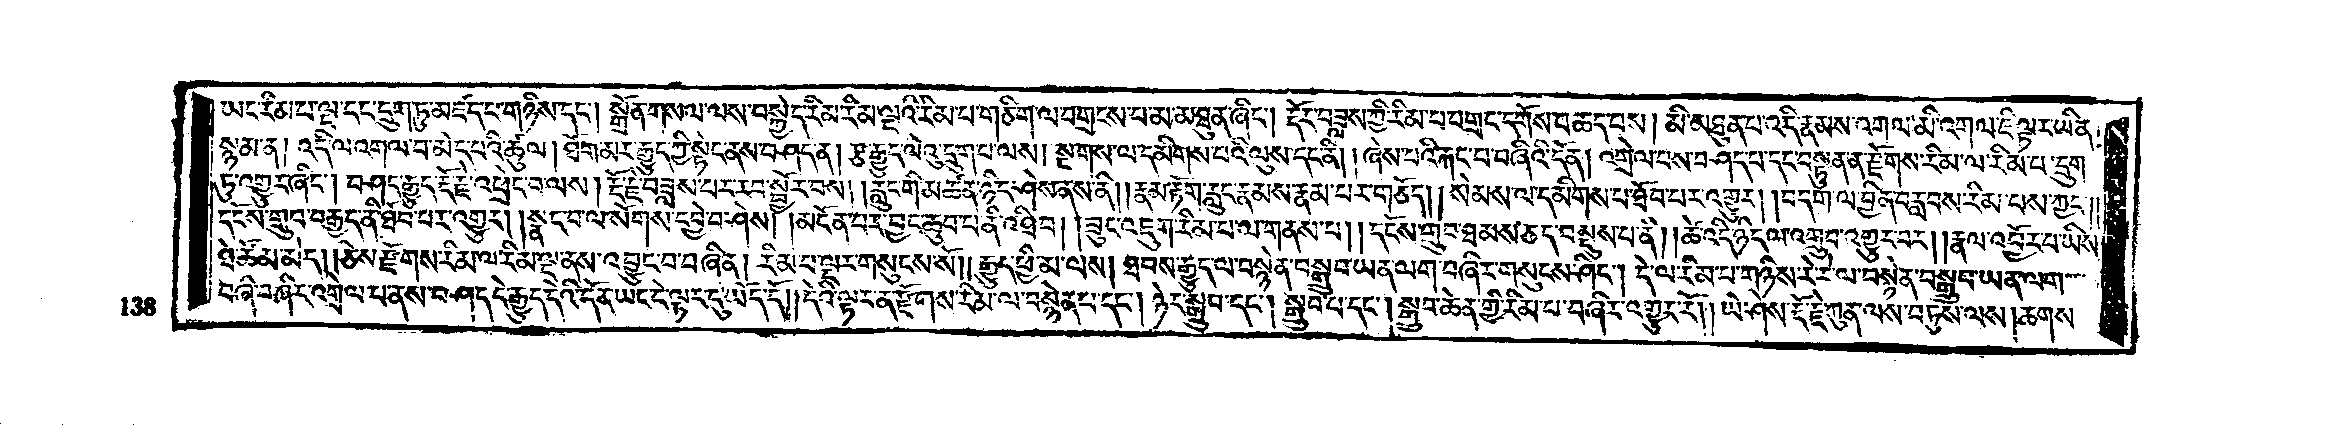ཡང་རིམ་པ་ལྔ་དང་དྲུག་ཏུ་མཛད་པ་གཉིས་དང་། སྒྲོན་གསལ་ལས་བསྐྱེད་རིམ་རིམ་ལྔའི་རིམ་པ་གཅིག་ལ་བགྲངས་པ་མ་མཐུན་ཞིང་། རྡོར་བཟླས་ཀྱི་རིམ་པ་བགྲང་དགོས་པ་ཆད་པས། མི་མཐུན་པ་འདི་རྣམས་འགལ་མི་འགལ་ཇི་ལྟར་ཡིན་
སྙམ་ན། འདི་ལ་འགལ་བ་མེད་པའི་ཚུལ། ཐོག་མར་རྒྱུད་ཀྱི་སྟེང་ནས་བཤད་ན། རྩ་རྒྱུད་ལེའུ་དྲུག་པ་ལས། སྔགས་ལ་དམིགས་པའི་ལུས་དང་ནི། །ཞེས་པའི་རྐང་པ་བཞིའི་དོན། འགྲེལ་པས་བཤད་པ་དང་བསྟུན་ན་རྫོགས་རིམ་ལ་རིམ་པ་དྲུག་
ཏུ་འགྱུར་ཞིང་། བཤད་རྒྱུད་རྡོ་རྗེ་འཕྲེང་བ་ལས། རྡོ་རྗེ་བཟླས་པར་རབ་སྦྱོར་བས། །རླུང་གི་མཚན་ཉིད་ཤེས་ནས་ནི། །རྣམ་རྟོག་རླུང་རྣམས་རྣམ་པར་གཅོད། །སེམས་ལ་དམིགས་པ་ཐོབ་པར་འགྱུར། །བདག་ལ་བྱིན་བརླབས་རིམ་པས་ཀྱང་། །
དངོས་གྲུབ་བརྒྱད་ནི་ཐོབ་པར་འགྱུར། །སྣང་བ་ལ་སོགས་དབྱེ་བ་ཤེས། །མངོན་པར་བྱང་ཆུབ་པ་ནི་འཐོབ། །ཟུང་འཇུག་རིམ་པ་ལ་གནས་པ། །དངོས་གྲུབ་ཐམས་ཅད་བསྡུས་པ་ནི། །ཚེ་འདི་ཉིད་ལ་འགྲུབ་འགྱུར་བར། །རྣལ་འབྱོར་པ་ཡིས་
ཐེ་ཚོམ་མེད། །ཅེས་རྫོགས་རིམ་ལ་རིམ་ལྔ་ནས་འབྱུང་བ་བཞིན། རིམ་པ་ལྔར་གསུངས་སོ། །རྒྱུད་ཕྱི་མ་ལས། ཐབས་རྒྱུད་ལ་བསྙེན་བསྒྲུབ་ཡན་ལག་བཞིར་གསུངས་ཤིང་། དེ་ལ་རིམ་པ་གཉིས་རེ་རེ་ལ་བསྙེན་བསྒྲུབ་ཡན་ལག་
བཞི་བཞིར་འགྲེལ་པ་ནས་བཤད་དེ་རྒྱུད་དེའི་དོན་ཡང་དེ་ལྟར་དུ་ཡོད་དོ། །དེའི་ལྟར་ན་རྫོགས་རིམ་ལ་བསྙེན་པ་དང་། ཉེར་སྒྲུབ་དང་། སྒྲུབ་པ་དང་། སྒྲུབ་ཆེན་གྱི་རིམ་པ་བཞིར་འགྱུར་རོ། །ཡེ་ཤེས་རྡོ་རྗེ་ཀུན་ལས་བཏུས་ལས། ཆགས་